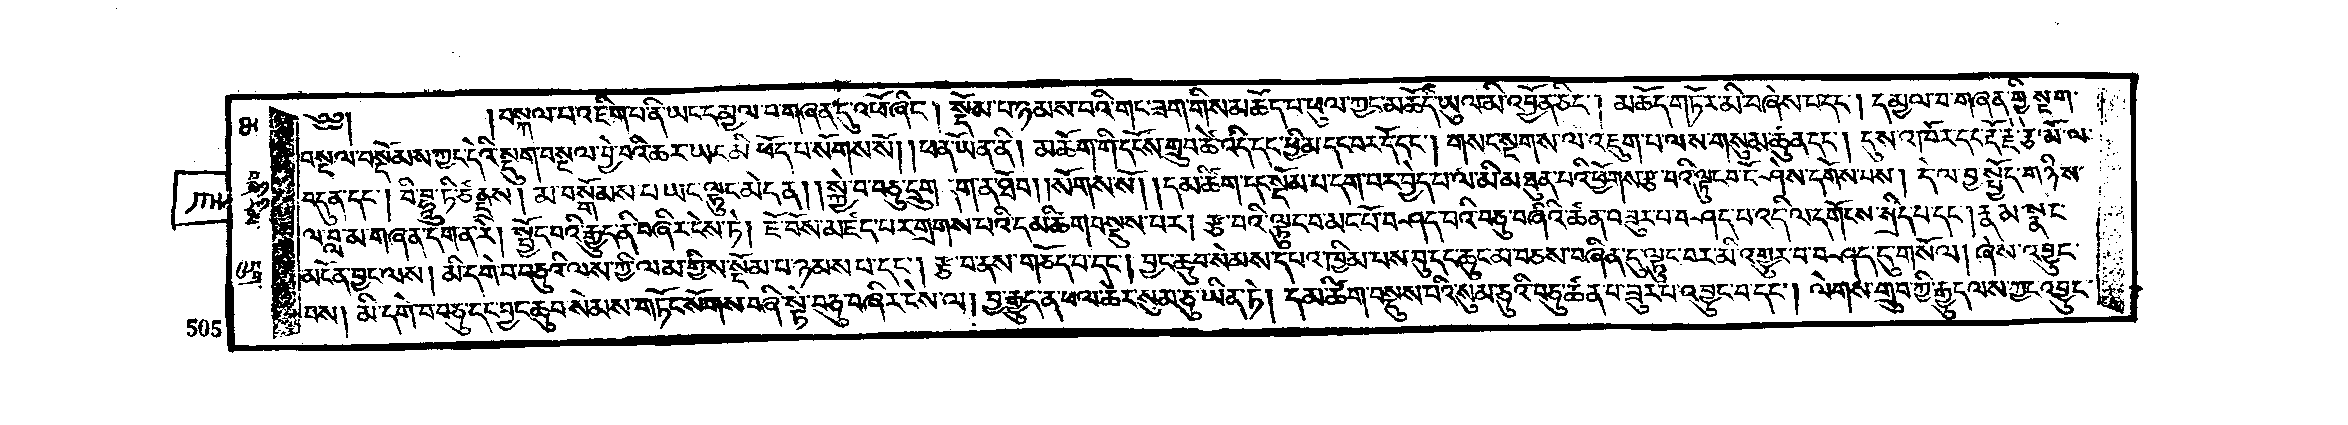༄༅། །བསྐལ་པ་འཇིག་པ་ནི་ཡང་དམྱལ་བ་གཞན་དུ་འཕོ་ཞིང་། སྡོམ་པ་ཉམས་པའི་གང་ཟག་གིས་མཆོད་པ་ཕུལ་ཀྱང་མཆོད་ཡུལ་མི་འབྱོན་ཅིང་། མཆོད་གཏོར་མི་བཞེས་པ་དང་། དམྱལ་བ་གཞན་གྱི་སྡུག་
བསྔལ་བསྡོམས་ཀྱང་དེའི་སྡུག་བསྔལ་བྱེ་བའི་ཆར་ཡང་མི་ཕོད་པ་སོགས་སོ། །ཕན་ཡོན་ནི། མཆོག་གི་དངོས་གྲུབ་ཚེ་འདི་དང་ཕྱི་མ་དང་བར་དོ་དང་། གསང་སྔགས་ལ་འཇུག་པ་ལས་གསུམ་ཚུན་དང་། དུས་འཁོར་དང་རྡོ་རྗེ་རྩེ་མོ་ལ་
བདུན་དང་། བི་བྷཱུ་ཏི་ཙནྡྲས། མ་བསྒོམས་པ་ཡང་ལྟུང་མེད་ན། །སྐྱེ་བ་བཅུ་དྲུག་དག་ན་ཐོབ། །སོགས་སོ། །དམ་ཚིག་དང་སྡོམ་པ་དག་པར་བྱེད་པ་ལ་མི་མཐུན་པའི་ཕྱོགས་རྩ་བའི་ལྟུང་བ་ངོ་ཤེས་དགོས་པས། དེ་ལ་བྱ་སྤྱོད་གཉིས་
ལ་བླ་མ་གཞན་དག་ན་རེ། སྤྱོད་པའི་རྒྱུད་ནི་བཞིར་ངེས་ཏེ། ཇོ་བོས་མཛད་པར་གྲགས་པའི་དམ་ཚིག་བསྡུས་པར། རྩ་བའི་ལྟུང་བ་མང་པོ་བཤད་པའི་བཅུ་བཞིའི་ཚན་བཟུར་པ་བཤད་པ་འདི་ལ་དགོངས་སྲིད་པ་དང་། རྣམ་སྣང་
མངོན་བྱང་ལས། མི་དགེ་བ་བཅུའི་ལས་ཀྱི་ལམ་གྱིས་སྡོམ་པ་ཉམས་པ་དང་། རྩ་བ་ནས་གཅོད་པ་དང་། བྱང་ཆུབ་སེམས་དཔའ་ཁྱིམ་པས་བུ་དང་ཆུང་མ་བཅས་བཞིན་དུ་ལྟུང་བར་མི་འགྱུར་བ་བཤད་དུ་གསོལ། ཞེས་འབྱུང་
བས། མི་དགེ་བ་བཅུ་དང་བྱང་ཆུབ་སེམས་གཏོང་སོགས་བཞི་སྟེ་བཅུ་བཞིར་ངེས་ལ། བྱ་རྒྱུད་ན་ཕལ་ཆེར་སུམ་ཅུ་ཡིན་ཏེ། དམ་ཚིག་བསྡུས་པའི་སུམ་ཅུའི་བཅུ་ཚན་པ་ཟུར་བ་འབྱུང་བ་དང་། ལེགས་གྲུབ་ཀྱི་རྒྱུད་ལས་ཀྱང་འབྱུང་